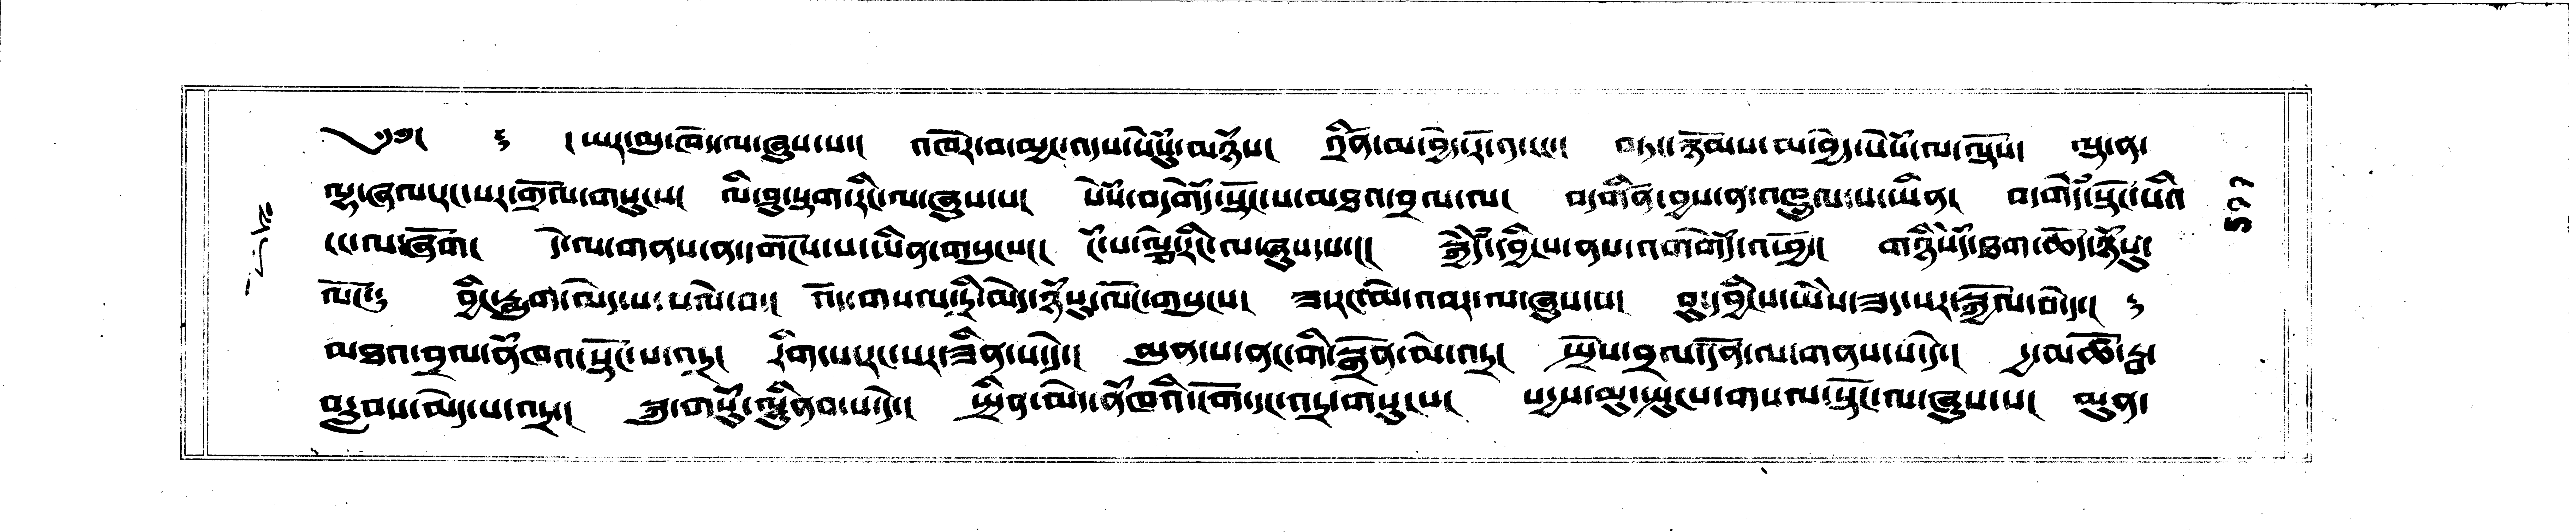ཡར་མུ་ཁོད་ལ་ཞུས་པ། འཁོར་བ་དང་མྱང་འདས་སེམས་སུ་མཉམ། གཉིས་འཛིན་མ་ཡིན་རོ་གཅིག་དང་། བཏང་སྙོམས་མ་བྱེད་སེམས་ལ་ལྟོས། བལྟས་ན་
་མཁན་རང་སར་གྲོལ་གསུངས། ལི་ཤུ་སྟག་རིང་ལ་ཞུས་པ་། སེམས་བདག་མེད་སྟོང་པ་མཐའ་བྲལ་ལ། བདག་འཛིན་བྱས་ན་འཁྲུལ་པ་ཡིན། བདག་མེད་སྟོང་པའི་
ངང་ལ་ཞོགས། དེ་ལ་གནས་ན་དགོངས་པ་ཡིན་གསུངས། ངམ་པ་ལྕེ་རིང་ལ་ཞུས་པས། སྐྱེ་མེད་ཀློང་ན་འགག་མེད་འཕྱོ། གཉིས་མེད་ཐག་ཆོད་ཉམས་སུ་
ངས། བྱིང་རྨུག་མེད་པ་སལེ་བ། འོད་གསལ་དྲི་མེད་ཉམས་སུ་ལོངས་གསུངས། ཟ་རང་མེ་འབར་ལ་ཞུས་པ། བུ་དབྱིངས་ཡེ་ཤེས་ཟད་པར་སྐྱོལ་བ་ཏེ། 
མཐའ་བྲལ་ནམ་མཁའ་སྟོང་པ་འདྲ། རིག་པ་རང་སར་ཟིན་པ་ཏེ། མུན་པ་ནང་གི་སྒྲོན་མེ་འདྲ། སྤྲོས་བྲལ་དོན་ལ་གནས་པ་ཏེ། རྒྱ་མཚོའི་རྦ་
རླབ་མེད་པ་འདྲ་གསུངས། “སྐུ་གསུམ་ལྷུན་གྱིས་གྲུབ་པ་དེ། སྤྲིན་མེད་ནམ་མཁའི་ངོག་དང་འདྲ་གསུངས།” མུ་སྤུངས་གསལ་ཏང་ལ་ཞུས་པས། མུན་པའི་